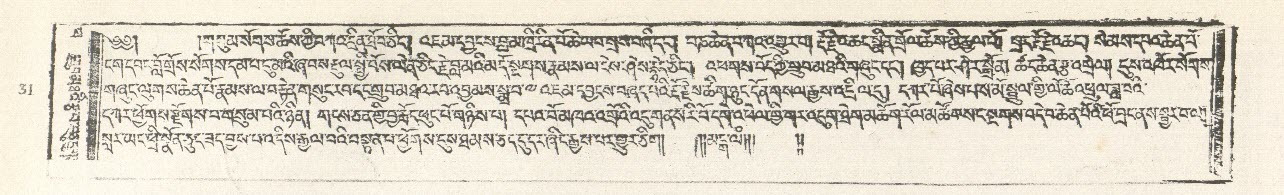༄༅། །གསུམ་སོགས་ཆོས་ཀྱི་བཀའ་དྲིན་ཐོབ་ཅིང་། འཇམ་དབྱངས་བླ་མ་ཁྲི་རིན་པོ་ཆེ་ཡབ་སྲས་བཞི་དང་། པཎ་ཆེན་བཀའ་འགྱུར་྾བ། རྡོ་རྗེ་འཆང་སྨིན་གྲོལ་ཆོས་ཀྱི་རྒྱལ་པོ། སྲང་རྡོ་རྗེ་འཆང་། སེམས་དཔའ་ཆེན་པོ་
ངག་དབང་བློ་གྲོས་སོགས་དམ་པ་དུ་མའི་ཞབས་རྡུལ་སྤྱི་བོས་ལེན་ཅིང་རྗེ་བླ་མའི་མདོ་སྔགས་རྣམས་ལ་ངེས་ཤེས་རྙེད་ཅིང་། འཕགས་བོད་ཀྱི་གྲུབ་མཐའི་གཞུང་དང་། ཁྱད་པར་ཤེར་སྒྲོན། ཚང་ཆེན་རྩ་འགྲེལ། དུས་འཁོར་སོགས་
གཞུང་ལུགས་ཆེན་པོ་རྣམས་ལ་བརྟེན་གསུང་རབ་དང་གྲུབ་མཐའ་རབ་འབྱམས་སྨྲ་བ ༧་འཇམ་དབྱངས་བཞད་པའི་རྡོ་རྗེས་ཚིག་ཉུང་དོན་གསལ་རྒྱས་འདྲི་ལ་དུ། དཀར་པོ་ཞེས་པ་ས་མོ་སྦྲུལ་གྱི་ལོ་ཆོ་འཕྲུལ་ཟླ་བའི་
དཀར་ཕྱོགས་རྫོགས་པ་གསུམ་པའི་ཉིན། གངས་ཅན་གྱི་བྱ་རྒོད་ཕུང་པོ་གཉིས་པ། དཔའ་བོ་མཁའ་འགྲོའི་འདུག་ནས་རི་བོ་དགེ་འཕེལ་གྱི་གར་འདུག་ཐེག་མཆོག་རོལ་མཚོ་གསང་སྔགས་བདེ་བ་ཆེན་པོའི་ཕོ་བྲང་ནས་སྦྱར་བ་ལ།
སླར་ཡང་ཕྲི་སྣོན་ཅུང་ཟད་བྱས་པ་འདིས་རྒྱལ་བའི་བསྟན་པ་ཕྱོགས་དུས་ཐམས་ཅད་དུ་དར་ཞིང་རྒྱས་པར་གྱུར་ཅིག། །།མངྒ་ལཾ།། །།